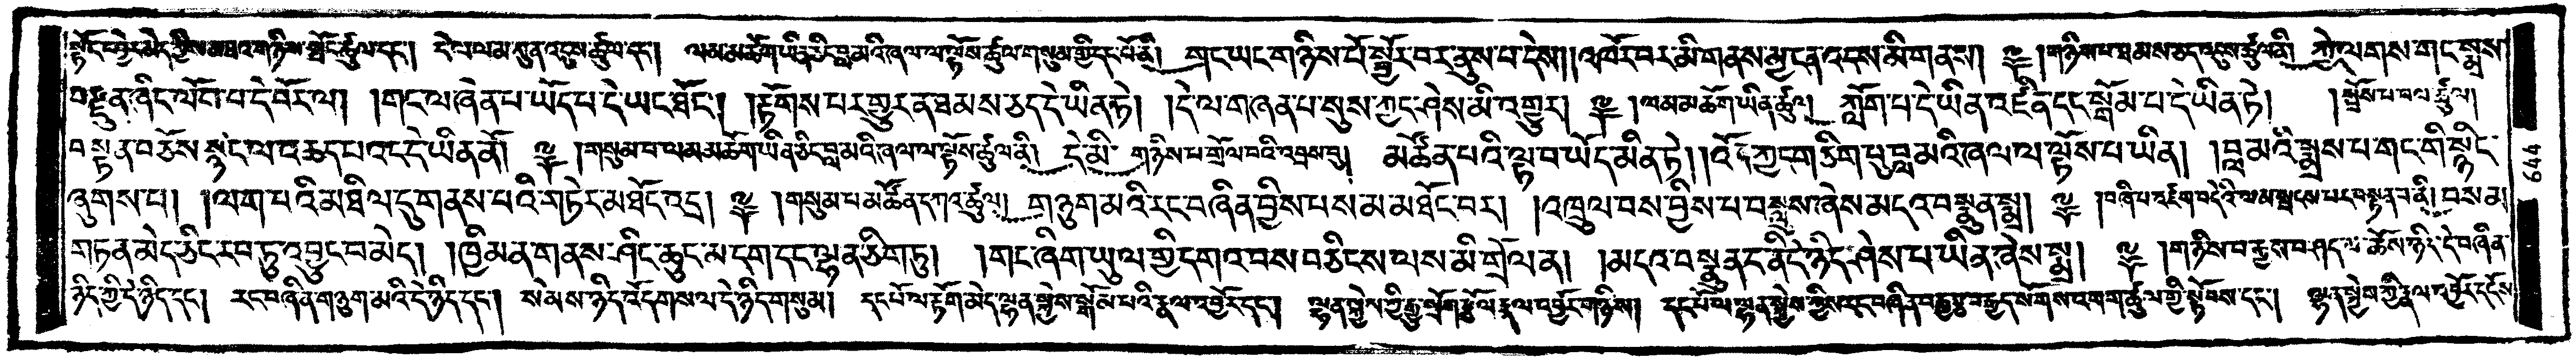སྟོང་དབྱེར་མེད་ཀྱིས་མཐའ་གཉིས་སྤོང་ཚུལ་དང་། དེ་པ་ལམ་ཀུན་འདུས་ཚུལ་དང་། ལམ་མཆོག་ཡིན་ཅིང་བླ་མའི་ཞལ་ལ་ལྟོས་ཚུལ་གསུམ་གྱི་དང་པོ་ནི། གང་ཡང་གཉིས་པོ་སྦྱོར་བར་ནུས་པ་དེས། །འཁོར་བར་མི་གནས་མྱ་ངན་འདས་མི་གནས། ༈ །གཉིས་པ་ཐམས་ཅད་དུས་ཚུལ་ནི། ཀྱེ་ལགས་གང་སྨྲས་
བརྫུན་ཞིང་ལོབ་པ་དེ་བོར་ལ། །གང་ལ་ཞེན་པ་ཡོད་པ་དེ་ཡང་ཐོང་། །རྟོགས་པར་གྱུར་ན་ཐམས་ཅད་དེ་ཡིན་ཏེ། །དེ་ལ་གཞན་པ་སུས་ཀྱང་ཤེས་མི་འགྱུར། ༈ །ལམ་མཆོག་ཡིན་ཚུལ། ཀློག་པ་དེ་ཡིན་འཛིན་དང་སྒོམ་པ་དེ་ཡིན་ཏེ། །སྲོབ་པ་ཐལ་ཚུལ།
བསྟན་བཅོས་སྙེང་ལ་འཆད་པའང་དེ་ཡིན་ནོ། ༈ །གསུམ་པ་ལམ་མཆོག་ཡིན་ཅིང་བླ་མའི་ཞལ་ལ་ལྟོས་ཚུལ་ནི། དེ་མི་གཉིས་པ་གྲོལ་བའི་འབྲས་བུ། མཚོན་པའི་ལྟ་བ་ཡོད་མིན་ཏེ། །འོ་ན་ཀྱང་གཅིག་པུ་བླ་མའི་ཞལ་ལ་ལྟོས་པ་ཡིན། །བླ་མའི་སྨྲས་པ་གང་གི་སྙིང་
ཞུགས་པ། །ལག་བའི་མཐིལ་དུ་གནས་པའི་གཏེར་མཐོང་འདྲ། ༈ །གསུམ་པ་མཚོན་དཀའ་ཚུལ། གཉུག་མའི་རང་བཞིན་བྱིས་པས་མ་མཐོང་བར། །འཁྲུལ་བས་བྱིས་པ་བསླུས་ཞེས་མདའ་བ་སྣུན་སྨྲ། ༈ ། བཞི་པ་འཛག་བདེའི་ལམ་སྤངས་ལང་བསྟན་པ་ནི། བསམ་
གཏན་མེད་ཅིང་རབ་ཏུ་འབྱུང་བ་མེད། །ཁྱིམ་ན་གནས་ཤིང་ཆུང་མ་དག་དང་ལྷན་ཅིག་ཏུ། །གང་ཞིག་ཡུལ་གྱི་དགའ་བས་བཅིངས་ལས་མི་གྲོལ་ན། །མདའ་བསྣུན་ང་ནི་དེ་ཉིད་ཤེས་པ་ཡིན་ཞེས་སྨྲ། ༈ །གཉིས་པ་རྒྱས་བཤད་ལ་ཆོས་ཉིད་དེ་བཞིན་
ཉིད་ཀྱི་དེ་ཉིད་དང་། རང་བཞིན་གཉུག་མའི་དེ་ཉིད་དང་། སེམས་ཉིད་འོད་གསལ་དེ་ཉིད་གསུམ། དང་པོ་ལ་རྟོག་མེད་ལྷན་སྐྱེས་སྒོམ་པའི་རྣལ་འབྱོར་དང་། ལྷན་སྐྱེས་ཀྱི་རྒྱུ་སྲོག་རྩོལ་རྣལ་འབྱོར་གཉིས། དང་པོ་ལ་ལྷན་སྐྱེས་ཀྱིས་རང་བཞིན་བརྒྱ་རྩ་བརྒྱད་སོགས་པ་འགག་ཚུལ་ཀྱི་སྟོབས་དང་། ལྷན་སྐྱེས་ཀྱི་རྣལ་འབྱོར་དངོས་